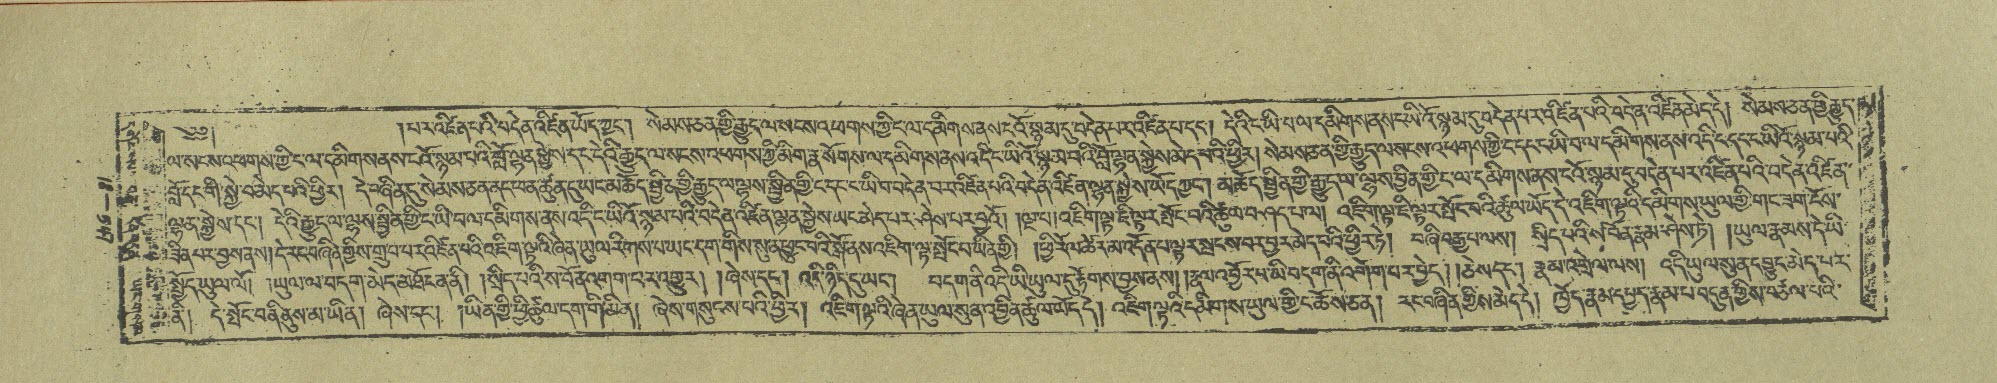༄༅། །པར་འཛིན་པའི་བདེན་འཛིན་ཡོད་ཀྱང་། སེམས་ཅན་གྱི་རྒྱུད་ལ་སངས་འཕགས་ཀྱི་ང་ལ་དམིགས་ནས་ངའོ་སྙམ་དུ་བདེན་པར་འཛིན་པ་དང་། དེའི་ང་ཡི་བ་ལ་དམིགས་ནས་ང་ཡི་འོ་སྙམ་དུ་བདེན་པར་འཛིན་པའི་བདེན་འཛིན་མེད་དེ། སེམས་ཅན་གྱི་རྒྱུད་
ལ་སངས་འཕགས་ཀྱི་ང་ལ་དམིགས་ནས་ངའོ་སྙམ་པའི་བློ་ལྷན་སྐྱེས་དང་དེའི་རྒྱུད་ལ་སངས་འཕགས་ཀྱི་མིག་རྣ་སོགས་ལ་དམིགས་ནས་འདི་ང་ཡིའོ་སྙམ་པའི་བློ་ལྷན་སྐྱེས་མེད་པའི་ཕྱིར། སེམས་ཅན་གྱི་རྒྱུད་ལ་སངས་འཕགས་ཀྱི་ང་དང་ང་ཡི་བ་ལ་དམིགས་ནས་འདི་ང་དང་ང་ཡི་འོ་སྙམ་པའི་
བློ་དང་གི་སྐྱེ་བ་མེད་པའི་ཕྱིར། དེ་བཞིན་དུ་སེམས་ཅན་ནང་ཕན་ཚུན་དུ་ཡང་མཆོད་སྦྱིན་གྱི་རྒྱུད་ལ་ལྷས་སྦྱིན་གྱི་ང་དང་ང་ཡི་བ་བདེན་པར་འཛིན་པའི་བདེན་འཛིན་ལྷན་སྐྱེས་ཡོད་ཀྱང་། མཆོད་སྦྱིན་གྱི་རྒྱུད་ལ་ལྷས་བྱིན་གྱི་ང་ལ་དམིགས་ནས་ངའོ་སྙམ་དུ་བདེན་པར་འཛིན་པའི་བདེན་འཛིན་
ལྷན་སྐྱེས་དང་། དེའི་རྒྱུད་ལ་ལྷས་སྦྱིན་གྱི་ང་ཡི་བ་ལ་དམིགས་ནས་འདི་ང་ཡིའོ་སྙམ་པའི་བདེན་འཛིན་ལྷན་སྐྱེས་ཡང་མེད་པར་ཤེས་པར་བྱའོ། །ལྔ་པ། འཇིག་ལྟ་ཇི་ལྟར་སྤོང་བའི་ཚུལ་བཤད་པ་ལ། འཇིག་ལྟ་ཇི་ལྟར་སྤོང་བའི་ཚུལ་ཡོད་དེ་འཇིག་ལྟའི་དམིགས་ཡུལ་གྱི་གང་ཟག་ངོས་
ཟིན་པར་བྱས་ནས། དེ་རང་བཞིན་གྱིས་གྲུབ་པར་འཛིན་པའི་འཇིག་ལྟའི་ཞེན་ཡུལ་རིགས་པ་ཡང་དག་གིས་སུན་ཕྱུང་བའི་སྒོ་ནས་འཇིག་ལྟ་སྤོང་བ་ཡིན་གྱི། །ཕྱི་རོལ་ཚེར་མ་འདོན་པ་ལྟར་སྤངས་པར་བྱར་མེད་པའི་ཕྱིར་ཏེ། བཞི་བརྒྱ་པ་ལས། སྲིད་པའི་ས་བོན་རྣམ་ཤེས་ཏེ། །ཡུལ་རྣམས་དེ་ཡི་
སྤྱོད་ཡུལ་ལོ། །ཡུལ་ལ་བདག་མེད་མཐོང་ན་ནི། །སྲིད་པའི་ས་བོན་འགག་པར་འགྱུར། །ཞེས་དང་། འདི་ཉིད་དུ་ཡང་། བདག་ནི་འདི་ཡི་ཡུལ་དུ་རྟོགས་བྱས་ནས། །རྣལ་འབྱོར་བ་ཡི་བདག་ནི་འགོག་པར་བྱེད། །ཅེས་དང་། རྣམ་འགྲེལ་ལས། འདི་ཡུལ་སུན་དབྱུང་མེད་པར་
ནི། དེ་སྤོང་བ་ནི་ནུས་མ་ཡིན། ཞེས་དང་། །ཡིན་གྱི་ཕྱི་ཚུལ་དག་གི་མིན། ཞེས་གསུངས་པའི་ཕྱིར། འཇིག་ལྟའི་ཞེན་ཡུལ་སུན་འབྱིན་ཚུལ་ཡོད་དེ། འཇིག་ལྟའི་དམིགས་ཡུལ་གྱི་ང་ཆོས་ཅན། རང་བཞིན་གྱིས་མེད་དེ། ཁྱོད་རྣམ་དཔྱད་རྣམ་པ་བདུན་གྱིས་བཙལ་བའི་